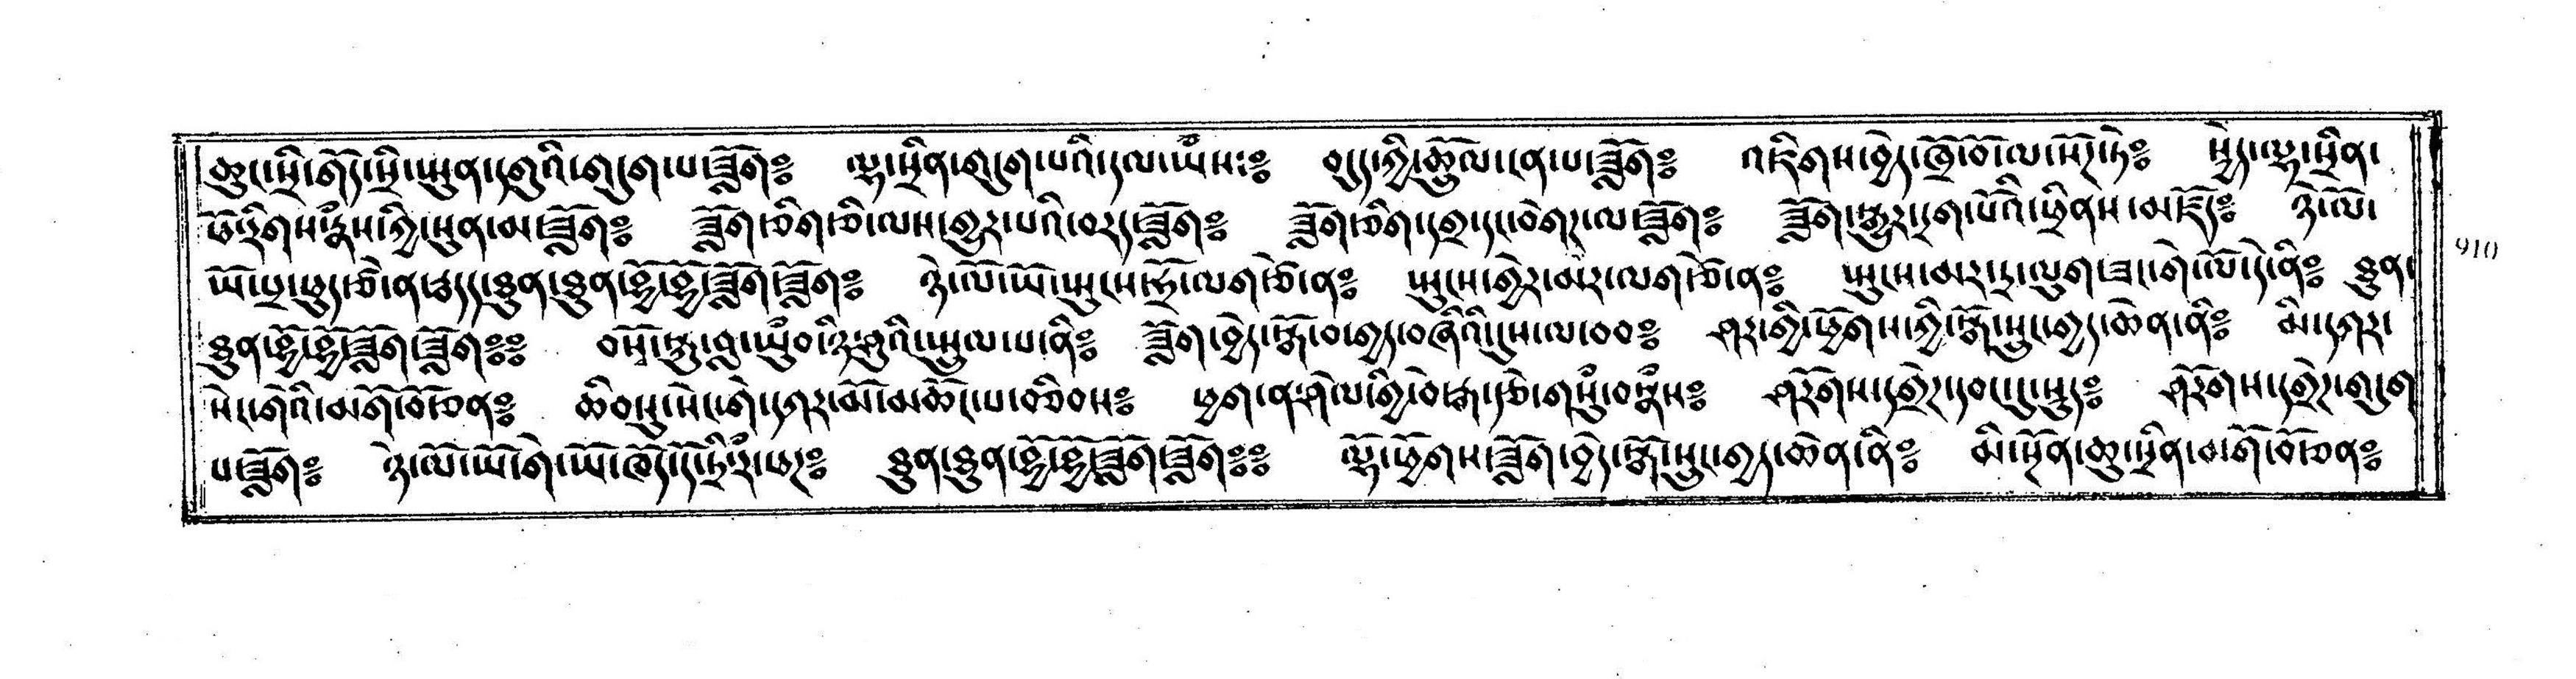ཆུང་སྲི་གོད་སྲི་སྤུན་དགུའི་གདུག་པ་ཟློག༔ ལྷ་སྲིན་གདུག་པའི་དལ་ཡམས༴༔ བདུད་ཀྱི་ཆོ་འཕྲུལ་ངན་པ་ཟློག༔ འཇིགས་བྱེད་ཁྲོ་བོ་ལ་སོགས་ཏེ༔ སྡེ་བརྒྱད་ལྷ་སྲིན་
ཕོ་རིགས་རྣམས་ཀྱི་སུན་མ་ཟློག༔ ཟློག་ཅིག་ཅི་ལས་གྱུར་པའི་བར་ཆད་ཟློག༔ ཟློག་ཅིག་དགྲ་དང་བགེགས་ལ་ཟློག༔ ཟློག་སྒྱུར་དྲག་པོའི་ཕྲིན་ལས་མཛོད༔ ཉེ་ལོ་
ཡོ་པྲ་ཕུད་ཙེ་ན་རྦད་རྦད་ཐུན་ཐུན་བྷྱོ་བྷྱོ་ཟློག་ཟློག༔ ཉེ་ལོ་ཡོ་སྤུངས་ཧྲོ་ལག་ཙེ་ན༔ སྤུངས་གྱེར་མར་ལག་ཙེ་ན༔ སྤུངས་མར་དྲ་ལུག་ཟང་གེ་ལོ་དེ་ནི༔ ཐུན་
ཐུན་བྷྱོ་བྷྱོ་ཟློག་ཟློག༔༔ བསྭོ་སྐུ་བླ་ཡབ་ཡུམ་ཉི་ཤུའི་སྤྲུལ་པ་ནི༔ ཟློག་བྱེད་སྒོ་བ་གྱད་བཞིའི་དུས་ལ་བབ༔ ཤར་གྱི་ཕྱོགས་ཀྱི་སྒོ་སྲུང་གྱད་ཆེན་ནི༔ མི་དཀར་
སེང་གེའི་མགོ་བོ་ཅན༔ ཆིབས་སུ་སེང་གེ་དཀར་མོ་མཆོང་པ་བཅིབས༔ ཕྱག་ན་ཤེལ་གྱི་བེ་རྒ་རྩེ་གསུམ་བསྣམས༔ ཤར་ཕྱོགས་དགྲ་བགེགས་དབང་དུ་སྡུད༔ ཤར་ཕྱོགས་དགྲ་བགེགས་གདུག་
པ་ཟློག༔ ཉེ་ལོ་ཡོ་གེ་ཡོ་ཁོད་དོ་ཏྲི་རཾ་ཕཊ༔ ཐུན་ཐུན་བྷྱོ་བྷྱོ་ཟློག་ཟློག༔༔ ལྷོ་ཕྱོགས་ཟློག་བྱེད་སྒོ་སྲུང་གྱད་ཆེན་ནི༔ མི་སྔོན་ཆུ་སྲིན་མགོ་བོ་ཅན༔